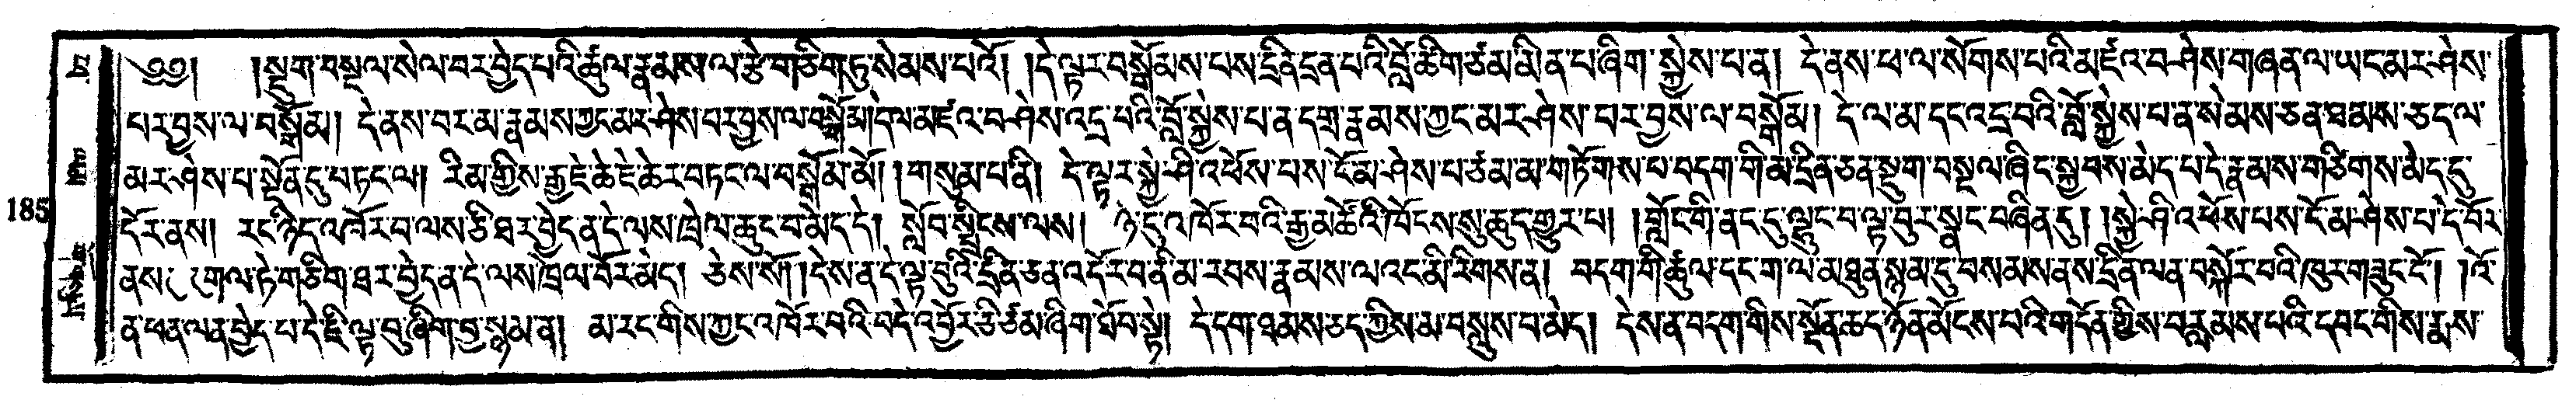༄༅། །སྡུག་བསྔལ་སེལ་བར་བྱེད་པའི་ཚུལ་རྣམས་ལ་རྩེ་གཅིག་ཏུ་སེམས་པའོ། །དེ་ལྟར་བསྒོམས་པས་དྲིན་དྲན་པའི་བློ་ཚིག་ཙམ་མ་མིན་པ་ཞིག་སྐྱེས་པ་ན། དེ་ནས་ཕ་ལ་སོགས་པའི་མཛའ་བཤེས་གཞན་ལ་ཡང་མར་ཤེས་
པར་བྱས་ལ་བསྒོམ། དེ་ནས་བར་མ་རྣམས་ཀྱང་མར་ཤེས་པར་བྱས་ལ་བསྒོམ། དེ་ལ་མཛའ་བཤེས་འདྲ་པའི་བློ་སྐྱེས་པ་ན་དགྲ་རྣམས་ཀྱང་མར་ཤེས་པར་བྱས་པ་ལ་བསྒོམ། དེ་ལ་མ་དང་འདྲ་བའི་བློ་སྐྱེས་པ་ན་སེམས་ཅན་ཐམས་ཅད་ལ་
མར་ཤེས་པ་སྔོན་དུ་བཏང་ལ། རིམ་གྱིས་རྒྱ་ཇེ་ཆེ་ཇེ་ཆེར་བཏང་ལ་བསྒོམ་མོ། །གསུམ་པ་ནི། དེ་ལྟར་སྐྱེ་ཤི་འཕོས་པས་ངོ་མ་ཤེས་པ་ཙམ་མ་གཏོགས་པ་བདག་གི་མ་དྲིན་ཅན་སྡུག་བསྔལ་ཞིང་སྐྱབས་མེད་པ་དེ་རྣམས་གཙིགས་མེད་དུ་
དོར་ནས། རང་ཉིད་འཁོར་བ་ལས་ཅི་ཐར་བྱེད་ན་དེ་ལས་ཁྲེལ་ཆུང་བ་མེད་དེ། སློབ་སྤྲིངས་ལས། ཉེ་དུ་འཁོར་བའི་རྒྱ་མཚོའི་ཁོངས་སུ་ཆུད་གྱུར་པ། །གློང་གི་ནང་དུ་ལྷུང་བ་ལྟ་བུ་ར་སྣང་བཞིན་དུ། །སྐྱེ་ཤི་འཕོས་པས་ངོ་མ་ཤེས་པ་དེ་བོར་
ནས༑ ༑གལ་ཏེ་གཅིག་ཐར་བྱེད་དེ་ལས་ཁྲེལ་བོར་མེད། ཅེས་སོ། །དེས་ན་དེ་ལྟ་བུའི་དྲིན་ཅན་འདོར་བ་ནི་མ་རབས་རྣམས་ལའང་མི་རིགས་ན། བདག་གི་ཚུལ་དང་ག་ལ་མཐུན་སྙམ་དུ་བསམས་ནས་དྲིན་ལས་བསྐོར་བའི་ཁུར་གཟུང་ངོ། །འོ་
ན་ཕན་ལན་བྱེད་པ་དེ་ཇི་ལྟ་བུ་ཞིག་བྱ་སྙམ་ན། མ་རྣག་གིས་ཀྱང་འཁོར་བའི་བདེ་འབྱོར་ཅི་ཙམ་ཞིག་ཐོབ་སྟེ། དེ་དག་ཐམས་ཅད་ཀྱིས་མ་བསླུས་པ་མེད། དེས་ན་བདག་གིས་སྡོད་ཆད་ཉོན་མོངས་པའི་གདོན་གྱིས་བརླམས་པའི་དབང་གིས་རྨས་